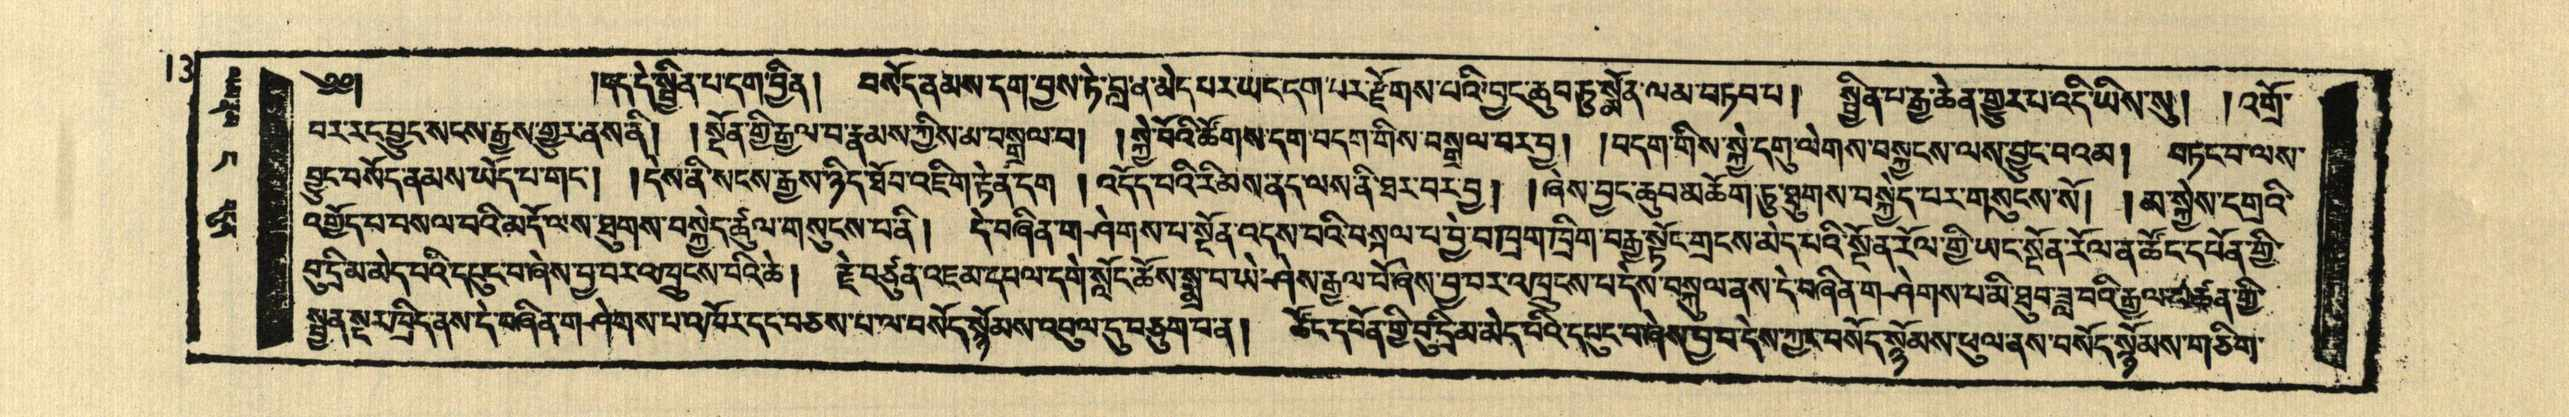༄༅། །དད་དེ་སྦྱིན་པ་དག་བྱིན། བསོད་ནམས་དག་བྱས་ཏེ་བླ་ན་མེད་པར་ཡང་དག་པར་རྫོགས་པའི་བྱང་ཆུབ་ཏུ་སྨོན་ལམ་བཏབ་པ། སྦྱིན་པ་རྒྱ་ཆེན་གྱུར་པ་འདི་ཡིས་སུ། །འགྲོ་
བར་རང་བྱུང་སངས་རྒྱས་གྱུར་ནས་ནི། །སྔོན་གྱི་རྒྱལ་བ་རྣམས་ཀྱིས་མ་བསྒྲལ་བ། །སྐྱེ་བོའི་ཚོགས་དག་བདག་གིས་བསྒྲལ་བར་བྱ། །བདག་གིས་སྐྱེ་དགུ་ལེགས་བསྐྱངས་ལས་བྱུང་བའམ། བཏང་བ་ལས་
བྱུང་བསོད་ནམས་ཡོད་པ་གང་། །དེས་ནི་སངས་རྒྱས་ཉིད་ཐོབ་འཇིག་རྟེན་དག །འདོད་པའི་རིམས་ནད་ལས་ནི་ཐར་བར་བྱ། །ཞེས་བྱང་ཆུབ་མཆོག་ཏུ་ཐུགས་བསྐྱེད་པར་གསུངས་སོ། །མ་སྐྱེས་དགྲའི་
འགྱོད་པ་བསལ་བའི་མདོ་ལས་ཐུགས་བསྐྱེད་ཚུལ་གསུངས་པ་ནི། དེ་བཞིན་གཤེགས་པ་སྔོན་འདས་པའི་བསྐལ་པ་བྱེ་བ་ཁྲག་ཁྲིག་བརྒྱ་སྟོང་གྲངས་མེད་པའི་སྔོན་རོལ་གྱི་ཡང་སྔོན་རོལ་ན་ཚོང་དཔོན་གྱི་
བུ་དྲི་མ་མེད་པའི་དཔུང་བ་ཞེས་བྱ་བར་འཁྲུངས་པའི་ཆེ། རྗེ་བཙུན་འཇམ་དཔལ་དགེ་སློང་ཆོས་སྨྲ་བ་ཡེ་ཤེས་རྒྱལ་པོ་ཞེས་བྱ་བར་འཁྲུངས་པ་དེས་བསྐུལ་ནས་དེ་བཞིན་གཤེགས་པ་མི་ཐུབ་ཟླ་བའི་རྒྱལ་མཚན་གྱི་
སྤྱན་སྔར་ཁྲིད་ནས་དེ་བཞིན་གཤེགས་པ་འཁོར་དང་བཅས་པ་ལ་བསོད་སྙོམས་འབུལ་དུ་བཅུག་པ་ན། ཚོང་དཔོན་གྱི་བུ་དྲི་མ་མེད་པའི་དཔུང་བ་ཞེས་བྱ་བ་དེས་ཀྱང་བསོད་སྙོམས་ཕུལ་ནས་བསོད་སྙོམས་གཅིག་